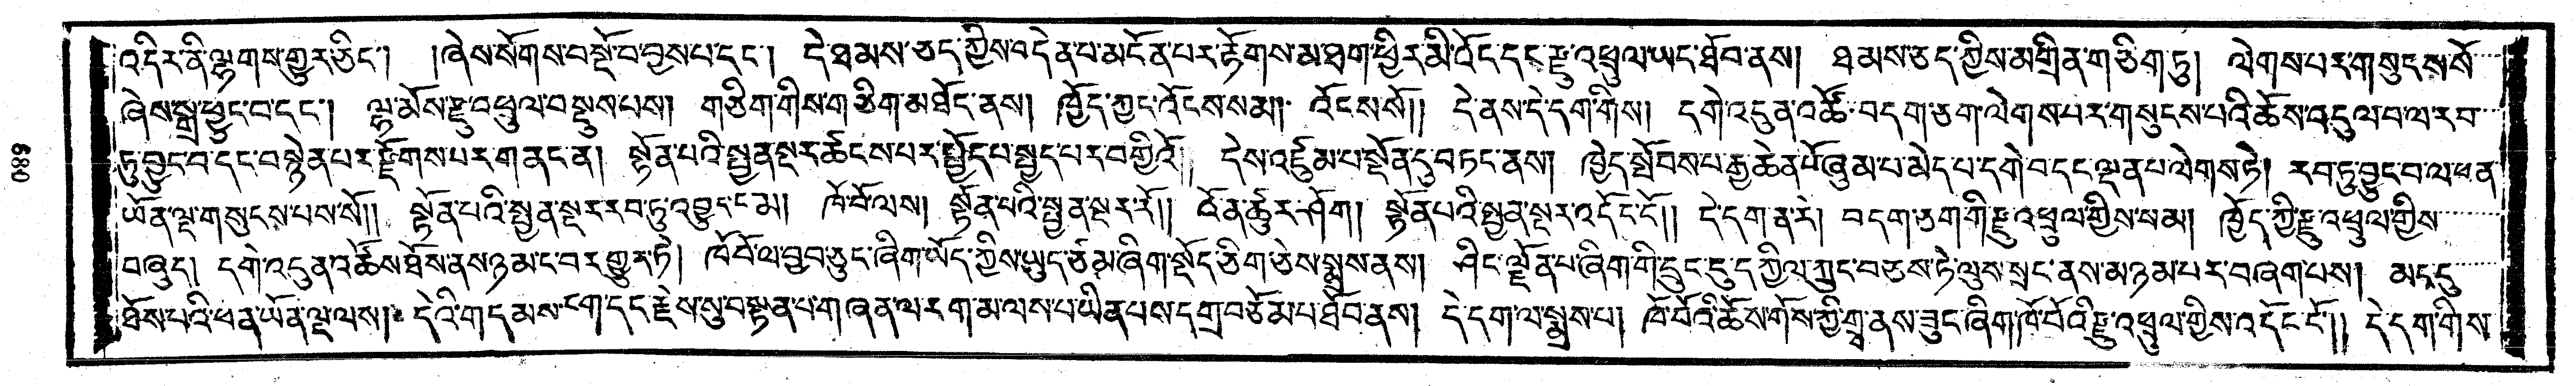འདིར་ནི་ལྷགས་གྱུར་ཅིང་། །ཞེས་སོགས་བསྔོ་བ་བྱས་པ་དང་། དེ་ཐམས་ཅད་ཀྱིས་བདེན་པ་མངོན་པར་རྟོགས་མ་ཐག་ཕྱིར་མི་འོང་དང་རྫུ་འཕྲུལ་ཡང་ཐོབ་ནས། ཐམས་ཅད་ཀྱིས་མགྲིན་གཅིག་ཏུ། ལེགས་པར་གསུངས་སོ་
ཞེས་སྒར་ཕྱུང་བ་དང་། ལྷ་མོས་རྫུ་འཕྲུལ་བསྡུས་པ། གཅིག་གིས་གཅིག་མཐོང་ནས། ཁྱོད་ཀྱང་འོངས་སམ། འོངས་སོ།། དེ་ནས་དེ་དག་གིས། དགེ་འདུན་འཚོ་བདག་ཅག་ལེགས་པར་གསུངས་པའི་ཆོས་འདུལ་བ་ལ་རབ་
ཏུ་བྱུང་བ་དང་བསྙེན་པར་རྫོགས་པར་གནང་ན། སྟོན་པའི་སྤྱན་སྔར་ཚངས་པར་སྤྱོད་པ་སྤྱད་པར་བགྱིའོ།། དེས་འཛུམ་པ་སྔོན་དུ་བཏང་ནས། ཁྱེད་སྤོབས་པ་རྒྱ་ཆེན་པོ་ཞུམ་པ་མེད་པ་དགེ་བ་དང་ལྡན་པ་ལེགས་ཏེ། རབ་ཏུ་བྱུང་བ་ལ་ཕན་
ཡོན་ལྔ་གསུངས་པས་སོ།། སྟོན་པའི་སྤྱན་སྔར་རབ་ཏུ་འབྱུང་ངམ། ཁོ་བོ་ལས། སྟོན་པའི་སྤྱན་སྔར་རོ།། འོ་ན་ཚུར་ཤོག། སྟོན་པའི་སྤྱན་སྔར་འདོང་ངོ།། དེ་དག་ན་རེ། བདག་ཅག་གི་རྫུ་འཕྲུལ་གྱིས་སམ། ཁྱོད་ཀྱི་རྫུ་འཕྲུལ་གྱིས་
བཞུད། དགེ་འདུན་འཚོས་ཐོས་ནས་ཉམ་ང་བར་གྱུར་ཏེ། ཁོ་བོ་ལ་བྱབ་ཅུང་ཞིག་ཡོད་ཀྱིས་ཡུད་ཙམ་ཞིག་སྡོད་ཅིག་ཅེས་སྨྲས་ནས། ཤིང་ལྗོན་པ་ཞིག་གི་དྲུང་ངུ་དཀྱིལ་ཀྲུང་བཅས་ཏེ་ལུས་སྲང་ནས་མཉམ་པར་བཞག་པས། མང་དུ་
ཐོས་པའི་ཕན་ཡོན་ལྔ་ལས། དེའི་གདམས་ངག་དང་རྗེས་སུ་བསྟན་པ་གཞན་ལ་རག་མ་ལས་པ་ཡིན་པས་དགྲ་བཅོམ་པ་ཐོབ་ནས། དེ་དག་ལ་སྨྲས་པ། ཁོ་བོའི་ཆོས་གོས་ཀྱི་གྲྭ་ནས་ཟུང་ཞིག་ཁོ་བོའི་རྫུ་འཕྲུལ་གྱིས་འདོང་ངོ།། དེ་དག་གིས་